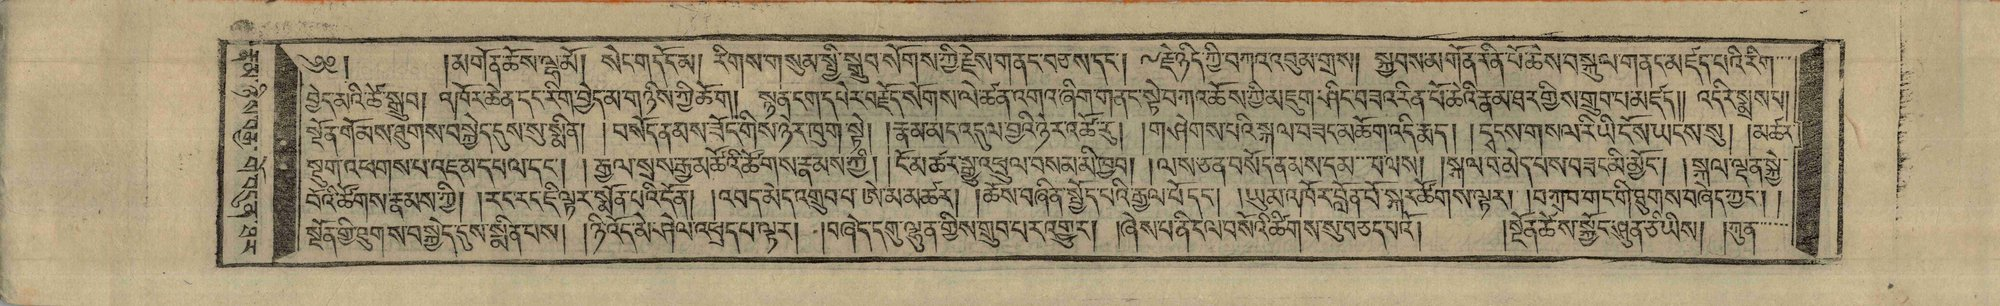༄༅། །མགོན་ཆོས་ལྷ་མོ། སེང་གདོང་མ། རིགས་གསུམ་སྤྱི་སྒྲུབ་སོགས་ཀྱི་རྗེས་གནང་བཅས་དང་། ༧རྗེ་ཉིད་ཀྱི་བཀའ་འབུམ་གྲས། སྐྱབས་མགོན་རིན་པོ་ཆེས་བསྐུལ་གནང་མཛད་པའི་རིག་
བྱེད་མའི་ཚེ་སྒྲུབ། འཁོར་ཆེན་དང་རིག་བྱེད་མ་གཉིས་ཀྱི་ཆོག །སྙན་ངག་དཔེར་བརྗོད་སོགས་ལེ་ཚན་འགའ་ཞིག་གནང་སྟེ་བཀའ་ཆོས་ཀྱི་མཇུག་ཤིང་བཟའ་རིན་པོ་ཆེའི་རྣམ་ཐར་གྱིས་གྲུབ་པ་མཛད། །འདིར་སྨྲས་པ།
སྔོན་གོམས་ཐུགས་བསྐྱེད་དུས་སུ་སྨིན། །བསོད་ནམས་ཟོང་གིས་ཉེར་ཁུག་སྟེ། །རྣམ་མང་འདུལ་བྱའི་ཉེར་འཚོ་རུ། །གཤེགས་པའི་སྐལ་བཟང་མཆོག་འདི་རྨད། །དྭངས་གསལ་རི་ཡི་ངོས་ཡངས་སུ། །མཚར་
སྡུག་འཕགས་པ་འཇམ་དཔལ་དང་། །རྒྱལ་སྲས་རྒྱ་མཚོའི་ཚོགས་རྣམས་ཀྱི། །ངོ་མཚར་སྒྱུ་འཕྲུལ་བསམ་མི་ཁྱབ། །ལས་ཅན་བསོད་ནམས་དམ་པ་ལས། །སྐལ་བ་མེད་པས་བཟང་མི་མྱོང་། །སྐལ་ལྡན་སྐྱེ་
བོའི་ཚོགས་རྣམས་ཀྱི། །རང་རང་ཇི་ལྟར་སྨོན་པའི་དོན། །འབད་མེད་འགྲུབ་པ་ཨེ་མ་མཚར། །ཆོས་བཞིན་སྤྱོད་པའི་རྒྱལ་པོ་དང་། །ཡུམ་འཁོར་བློན་པོ་སྐར་ཚོགས་ལྟར། །བཀྲ་བ་གང་གི་ཐུགས་བཞེད་ཀྱང་། །
སྔོན་གྱི་ཐུགས་བསྐྱེད་དུས་སྨིན་པས། །ཉི་འོད་མེ་ཤེལ་འཕྲད་པ་ལྟར། །བཞེད་དགུ་ལྷུན་གྱིས་གྲུབ་པར་འགྱུར། །ཞེས་པ་ནི་ངལ་བསོའི་ཚིགས་སུ་བཅད་པའོ། །སྔོན་ཚེས་སྐྱོང་ཤུན་ཅི་ཡིས། །ཀུན་